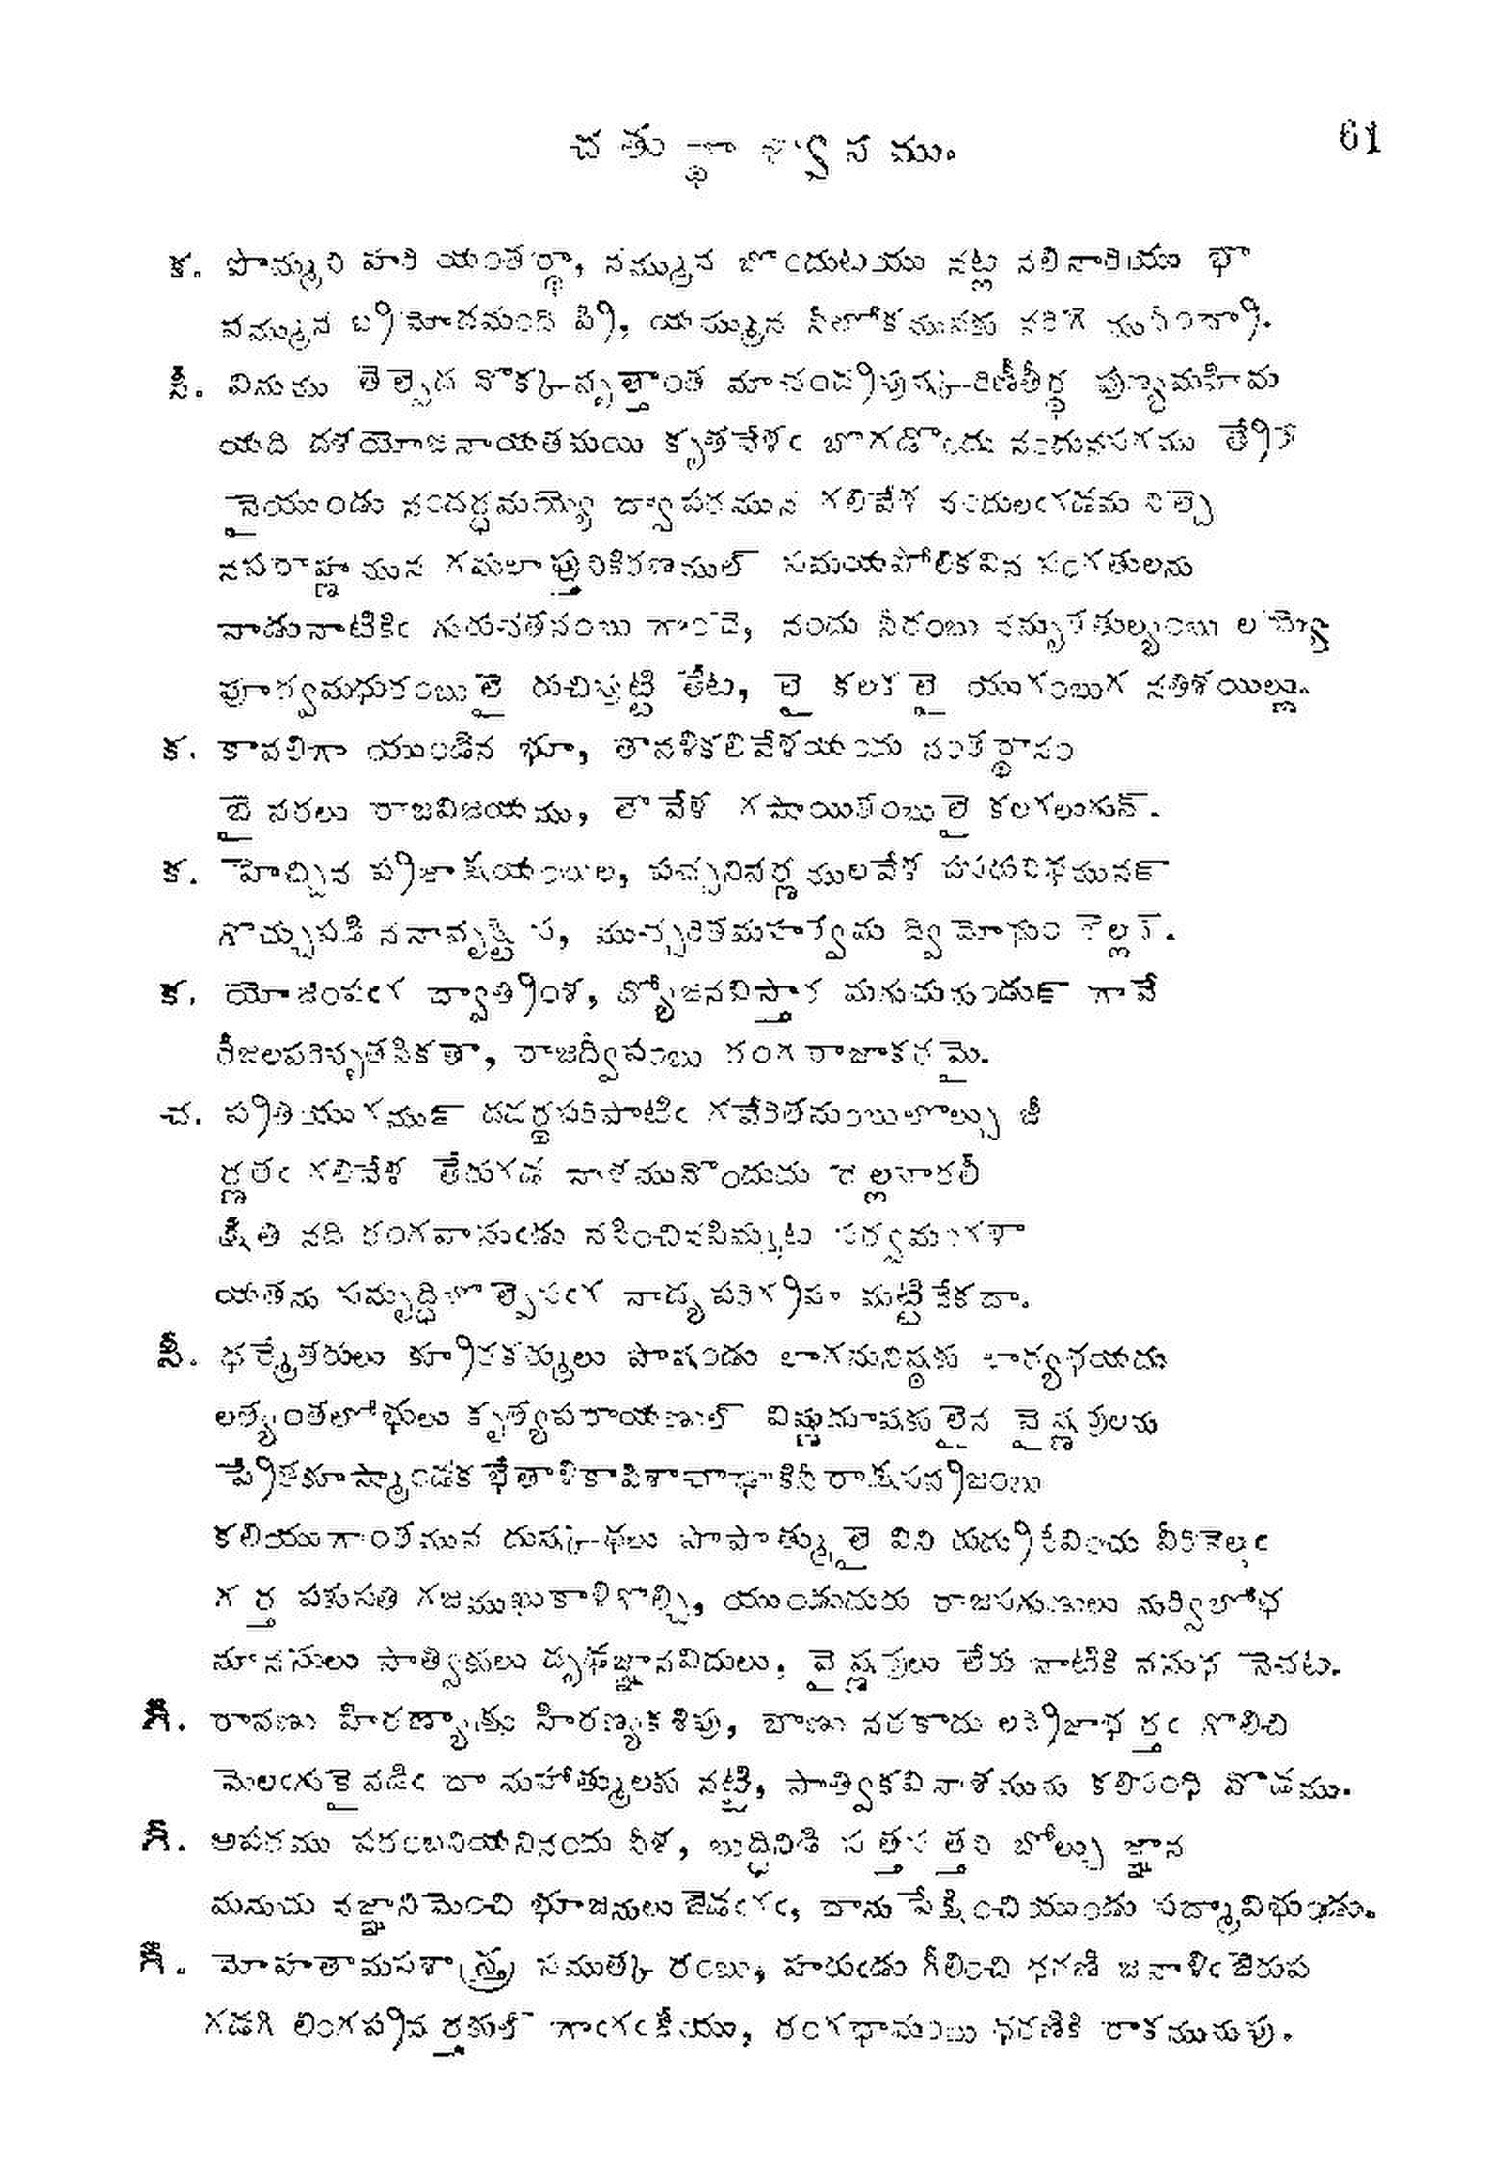క. పొమ్మని హరి యంతర్ధా, నమ్మున బొందుటయు నట్ల నలినారియు భా
 వమ్మున బ్రమోదమంది ప్రి, యమ్మున నీలోకమునకు నరిగె మునీంద్రా.
సీ. వినుము తెల్పెద నొక్కవృత్తాంత మాచంద్రపుష్కరిణీతీర్ధ పుణ్యమహిమ
 యది దశయోజనాయతమయి కృతవేళఁ బొగడొందు నందునసగము త్రేత
 నందర్ధమయ్యె ద్వాపరమున గలివేళ నందులఁగడమ నిల్చె
 నపరాహ్ణమున గమలాప్తురికిరణముల్ సమయపోలికవిన సంగతులను
 నాడునాటికిఁ గురుచతనంబు గాంచె, నందు నీరంబు నమృతతిల్యంబు లయ్యె
 పూర్వమధురంబులై రుచిపుట్టి తేట, లై కలకలై యుగంబుగ నతిశయిల్లు.
క. కావలిగా యుండిన భూ, తావళి కలివేళయందు నంతర్ధానం
 బై వరలు రాజవిజయము , లౌ వేళ గషాయితంబులై కలగలుగున్.
క. హెచ్చిన ప్రజాక్షయంబుల, పచ్చనివర్ణములవేళ పసరువిధమునన్
 గొచ్చుపడి ననావృష్టి స, ముచ్చరికమహత్వమ ద్విమోఘం బెల్లన్.
క. యోజింపగ ద్వాత్రింశ , ద్యోజనవిస్తార మగుచునుండున్ గావే
 రీజలపరివృతసికతా, రాజద్వీపంబు రంగరాజాకరమై.
చ. ప్రతియుగమునన్ దదర్ధపరిపాటిఁ గవేరితమంబు లొల్చు జీ
 ర్ణతఁ గలివేళ తేరుగడ నాశమునొందుదు రెల్లవారలీ
 క్షితి నది రంగవాసుఁడు నశించినపిమ్మట సర్వమంగళా
 యతను సమృద్ధిబొల్పెసఁగ నాద్యపరిగ్రహ మట్టిదేకదా.
సీ. ధర్మేతరులు క్రూరకర్ములు పాషండు లాగమనిస్ఠకు లార్యభయదు
 లత్యంతలోభులు కృత్యపరాయణుల్ విష్ణుదూషకులైన వైష్ణవులను
 ప్రేతకూష్మాండకభేతాళికాపిశాచాఢాకినీరాక్షసవ్రజంబు
 కలియుగాంతమున దుష్కథలు పాపాత్ములై విని రుద్రు సేవించు వీరినెల్లఁ
 గర్త పశుపతి గజముఖు కాళి గొల్చి, యుండుదురు రాజసగుణులు నుర్విలోన
 మానసులు సాత్వికులు దృఢజ్ఞానవిదులు, వైష్ణవులు లేరు నాటికి వసుధ నెచట.
గీ. రావణు హిరణ్యాక్షు హిరణ్యకశిపు, బాణు నరకాదు లద్రిజాభర్తఁ గొలిచి
 మెలఁగుకైవడిఁ దా మహాత్ములకు నట్టి, సాత్వికవినాశమును కలిసంధి వొడము.
గీ. అపరము పరంబనియనినందు నీశ, బుద్ధినిడి సత్తసత్తని బోల్చు జ్ఞాన
 మనుచు నజ్ఞాన మెంచి భూజనులు జెడఁగ, దా నుపేక్షించి యుండు పద్మావిభుండు.
గీ. మోహతామసశాస్త్రసముత్కరంబు, హరుఁడు గీలించి ధరణి జనాళిఁ జెరుప
 గడగి లింగప్రవర్తకుల్ గాఁగఁజేయు, రంగధామంబు ధరణికి రాకమునుపు.